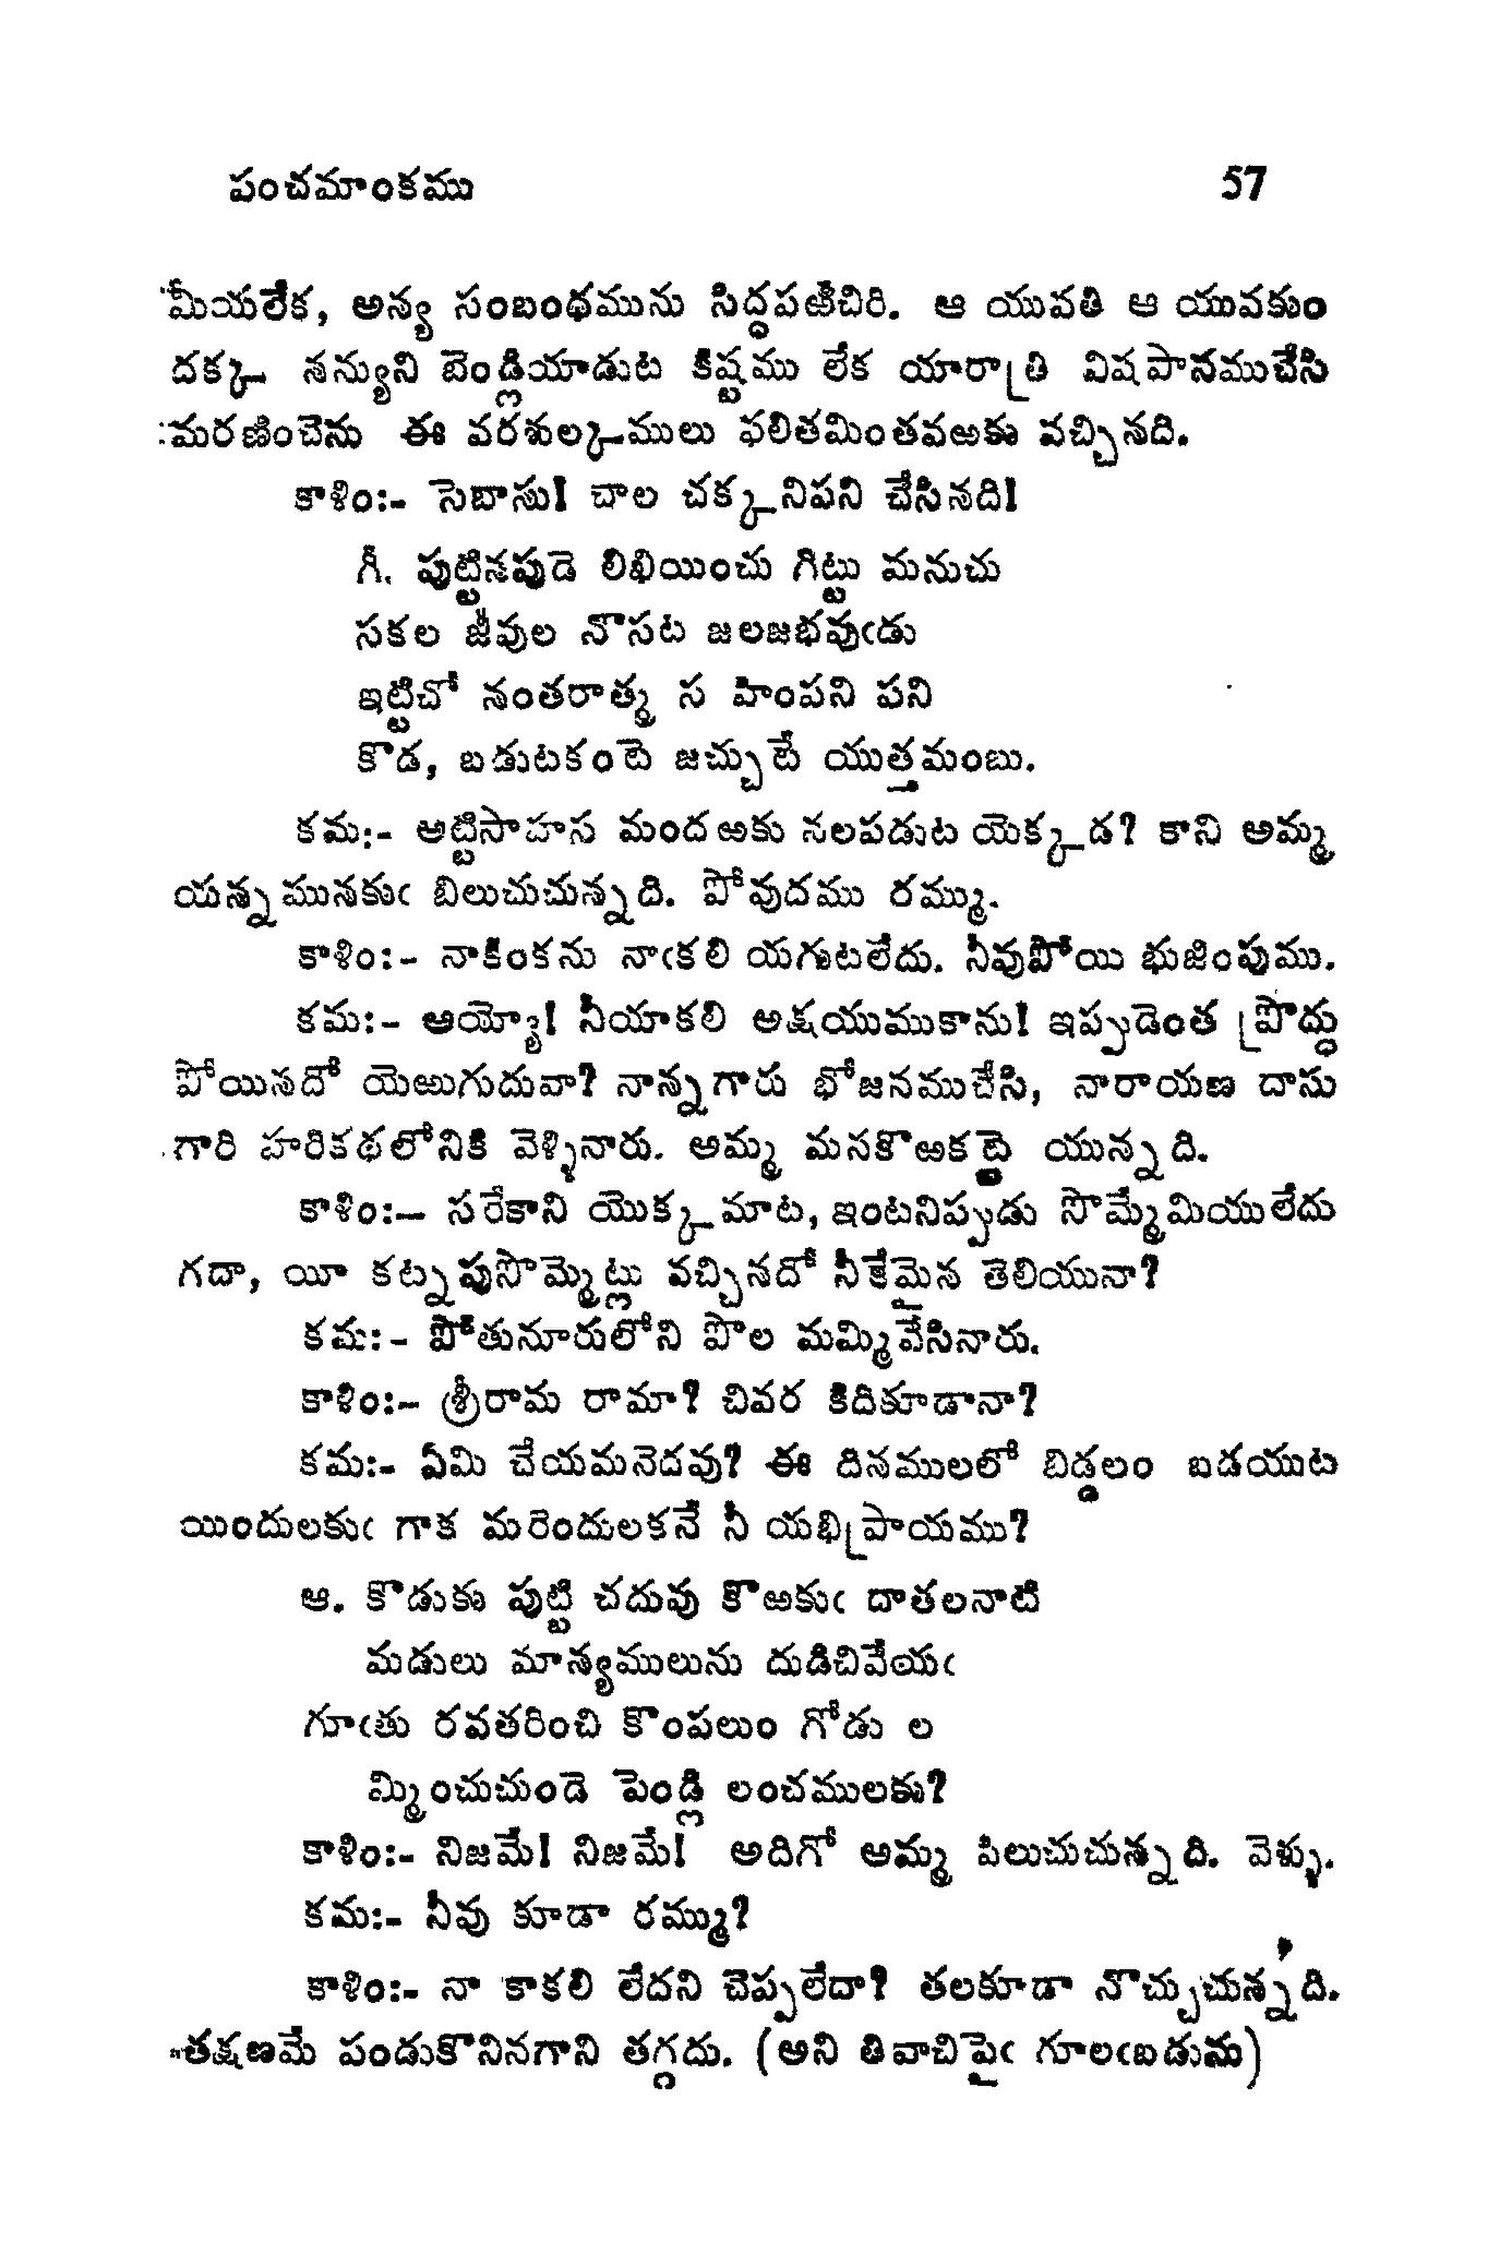మీయలేక, అన్య సంబంధమును సిద్ధపఱిచిరి. ఆయువతి ఆ యువకుం దక్క నన్యుని బెండ్లియాడుట కిష్టము లేక యారాత్రి విషపానముచేసి మరణించెను! ఈ వరశుల్కములు ఫలితమింతవఱకు వచ్చినది."

కాళిం :- సెబాసు! చాల చక్కనిపని చేసినది!

గీ. పుట్టినపుడె లిఖియించు గిట్టు మనుచు
 సకల జీవుల నొసట జలజభవుఁడు,
 ఇట్టిచో నంతరాత్మ స హింపని పని
 కొడఁ బడుటకంటె జచ్చుటే యుత్తమంబు.
కమ :- అట్టిసాహస మందఱకు నలపడుట యెక్కడ? కాని అమ్మ యన్నమునకుఁ బిలుచుచున్నది పోవుదము రమ్ము.

కాళిం :- నాకింకను నాఁకలి యగుటలేదు. నీవుపోయి భుజింపుము.

కమ :- అయ్యో! నీయాకలి అక్షయముకాను! ఇప్పుడెంత ప్రొద్దుపోయినదో యెఱుగుదువా? నాన్నగారు భోజనముచేసి, నారాయణ దాసుగారి హరికథలోనికి వెళ్ళినారు. అమ్మ మనకొఱకట్టె యున్నది.

కాళిం :- సరే కాని, యొక్క మాట, ఇంటనిప్పుడు సొమ్మేమియులేదు గదా, యీ కట్నపుసొమ్మెట్లు వచ్చినదో నీకేమైన తెలియునా?

కమ :- పోతునూరులోని పొల మమ్మివేసినారు.

కాళిం :- శ్రీరామ రామా! చివర కిదికూడనా?

కమ :- ఏమి చేయమనెదవు? ఈ దినములలో బిడ్డలం బడయుట యిందులకుఁ గాక మరెందులకనే నీ యభిప్రాయము?

ఆ. కొడుకు పుట్టి చదువు కొఱకుఁ దాతలనాఁటి
 మడులు మాన్యములును దుడిచివేయఁ
 గూఁతు రవతరించి కొంపలుం గోడు ల
 మ్మించుచుండె బెండ్లి లంచములకు.
కాళిం :- నిజమే! నిజమే! అదిగో అమ్మ పిలుచుచున్నది. వెళ్ళు.

కమ : -నీవు కూడ రమ్ము.

కాళిం :- నా కాకలి లేదని చెప్పలేదా? తలకూడా నొచ్చుచున్నది. తక్షణమే పండుకొనినగాని తగ్గదు. (అని తివాచిపైఁ గూలఁబడును.)